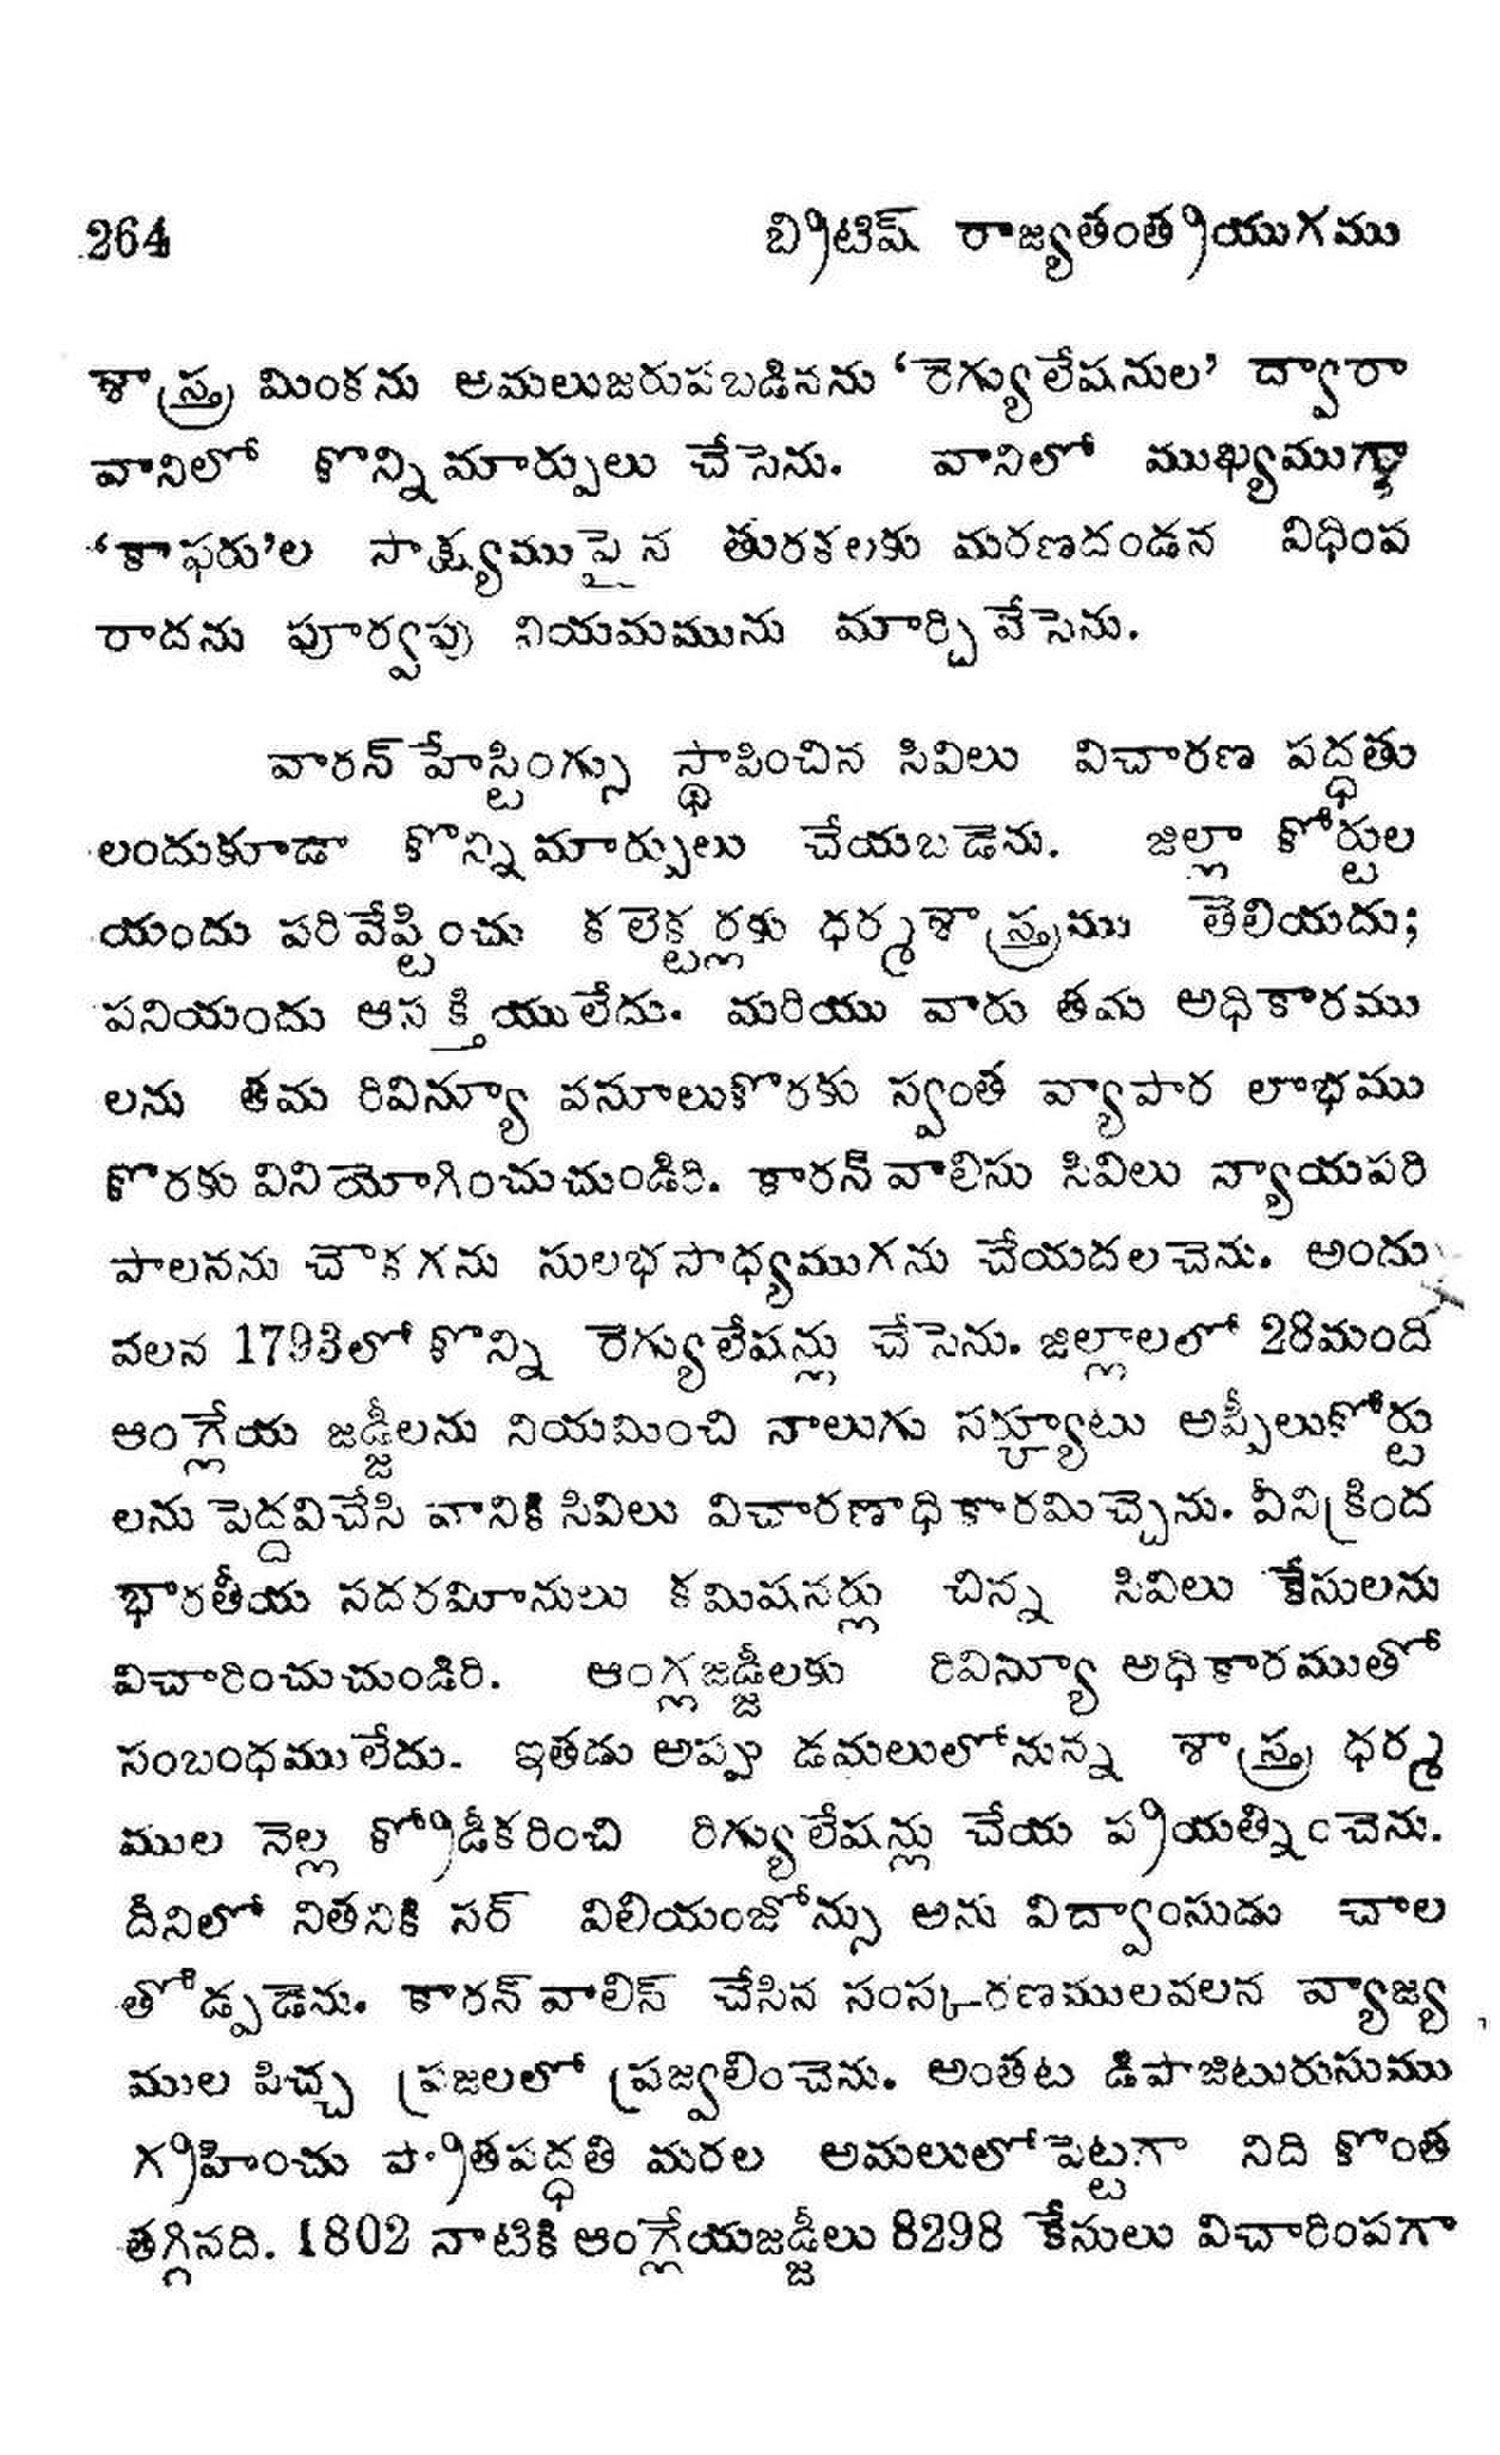శాస్త్ర మింకను అమలుజరుపబడినను 'రెగ్యులేషనుల' ద్వారా వానిలో కొన్నిమార్పులు చేసెను. వానిలో ముఖ్యముగా “కాఫరు'ల సాక్ష్యముపైన తురకలకు మరణదండన విధింపరాదను పూర్వపు నియమమును మార్చివేసెను.

వారన్ హేస్టింగ్సు స్థాపించిన సివిలు విచారణ పద్దతులందుకూడా కొన్ని మార్పులు చేయబడెను. జిల్లా కోర్టుల యందు పరివేష్టించు కలెక్టర్లకు ధర్మశాస్త్రము తెలియదు; పనియందు ఆసక్తియులేదు. మరియు వారు తమ అధికారములను తమ రివిన్యూ వసూలుకొరకు స్వంత వ్యాపార లాభముకొరకు వినియోగించుచుండిరి. కారన్ వాలిసు సివిలు న్యాయపరిపాలనను చౌకగను సులభసాధ్యముగను చేయదలచెను. అందువలన 1793లో కొన్ని రెగ్యులేషన్లు చేసెను.
జిల్లాలలో 28మంది ఆంగ్లేయ జడ్జీలను నియమించి నాలుగు సర్క్యూటు అప్పీలుకోర్టులను పెద్దవిచేసి వానికి సివిలు విచారణాధికారమిచ్చెను. వీనిక్రింద భారతీయ సదరమీనులు కమిషనర్లు చిన్న సివిలు కేసులను విచారించుచుండిరి. ఆంగ్లజడ్జీలకు రివిన్యూ అధికారముతో సంబంధములేదు. ఇతడు అప్పు డమలులోనున్న శాస్త్ర ధర్మముల నెల్ల క్రోడీకరించి రిగ్యులేషన్లు చేయ ప్రయత్నించెను. దీనిలో నితనికి సర్ విలియంజోన్సు అను విద్వాంసుడు చాల తోడ్పడెను. కారన్ వాలిస్ చేసిన సంస్కరణములవలన వ్యాజ్యముల పిచ్చ ప్రజలలో ప్రజ్వలించెను. అంతట డిపాజిటురుసుము గ్రహించు ప్రాతపద్ధతి మరల అమలులోపెట్టగా నిది కొంత తగ్గినది. 1802 నాటికి ఆంగ్లేయజడ్జీలు 8298 కేసులు విచారింపగా